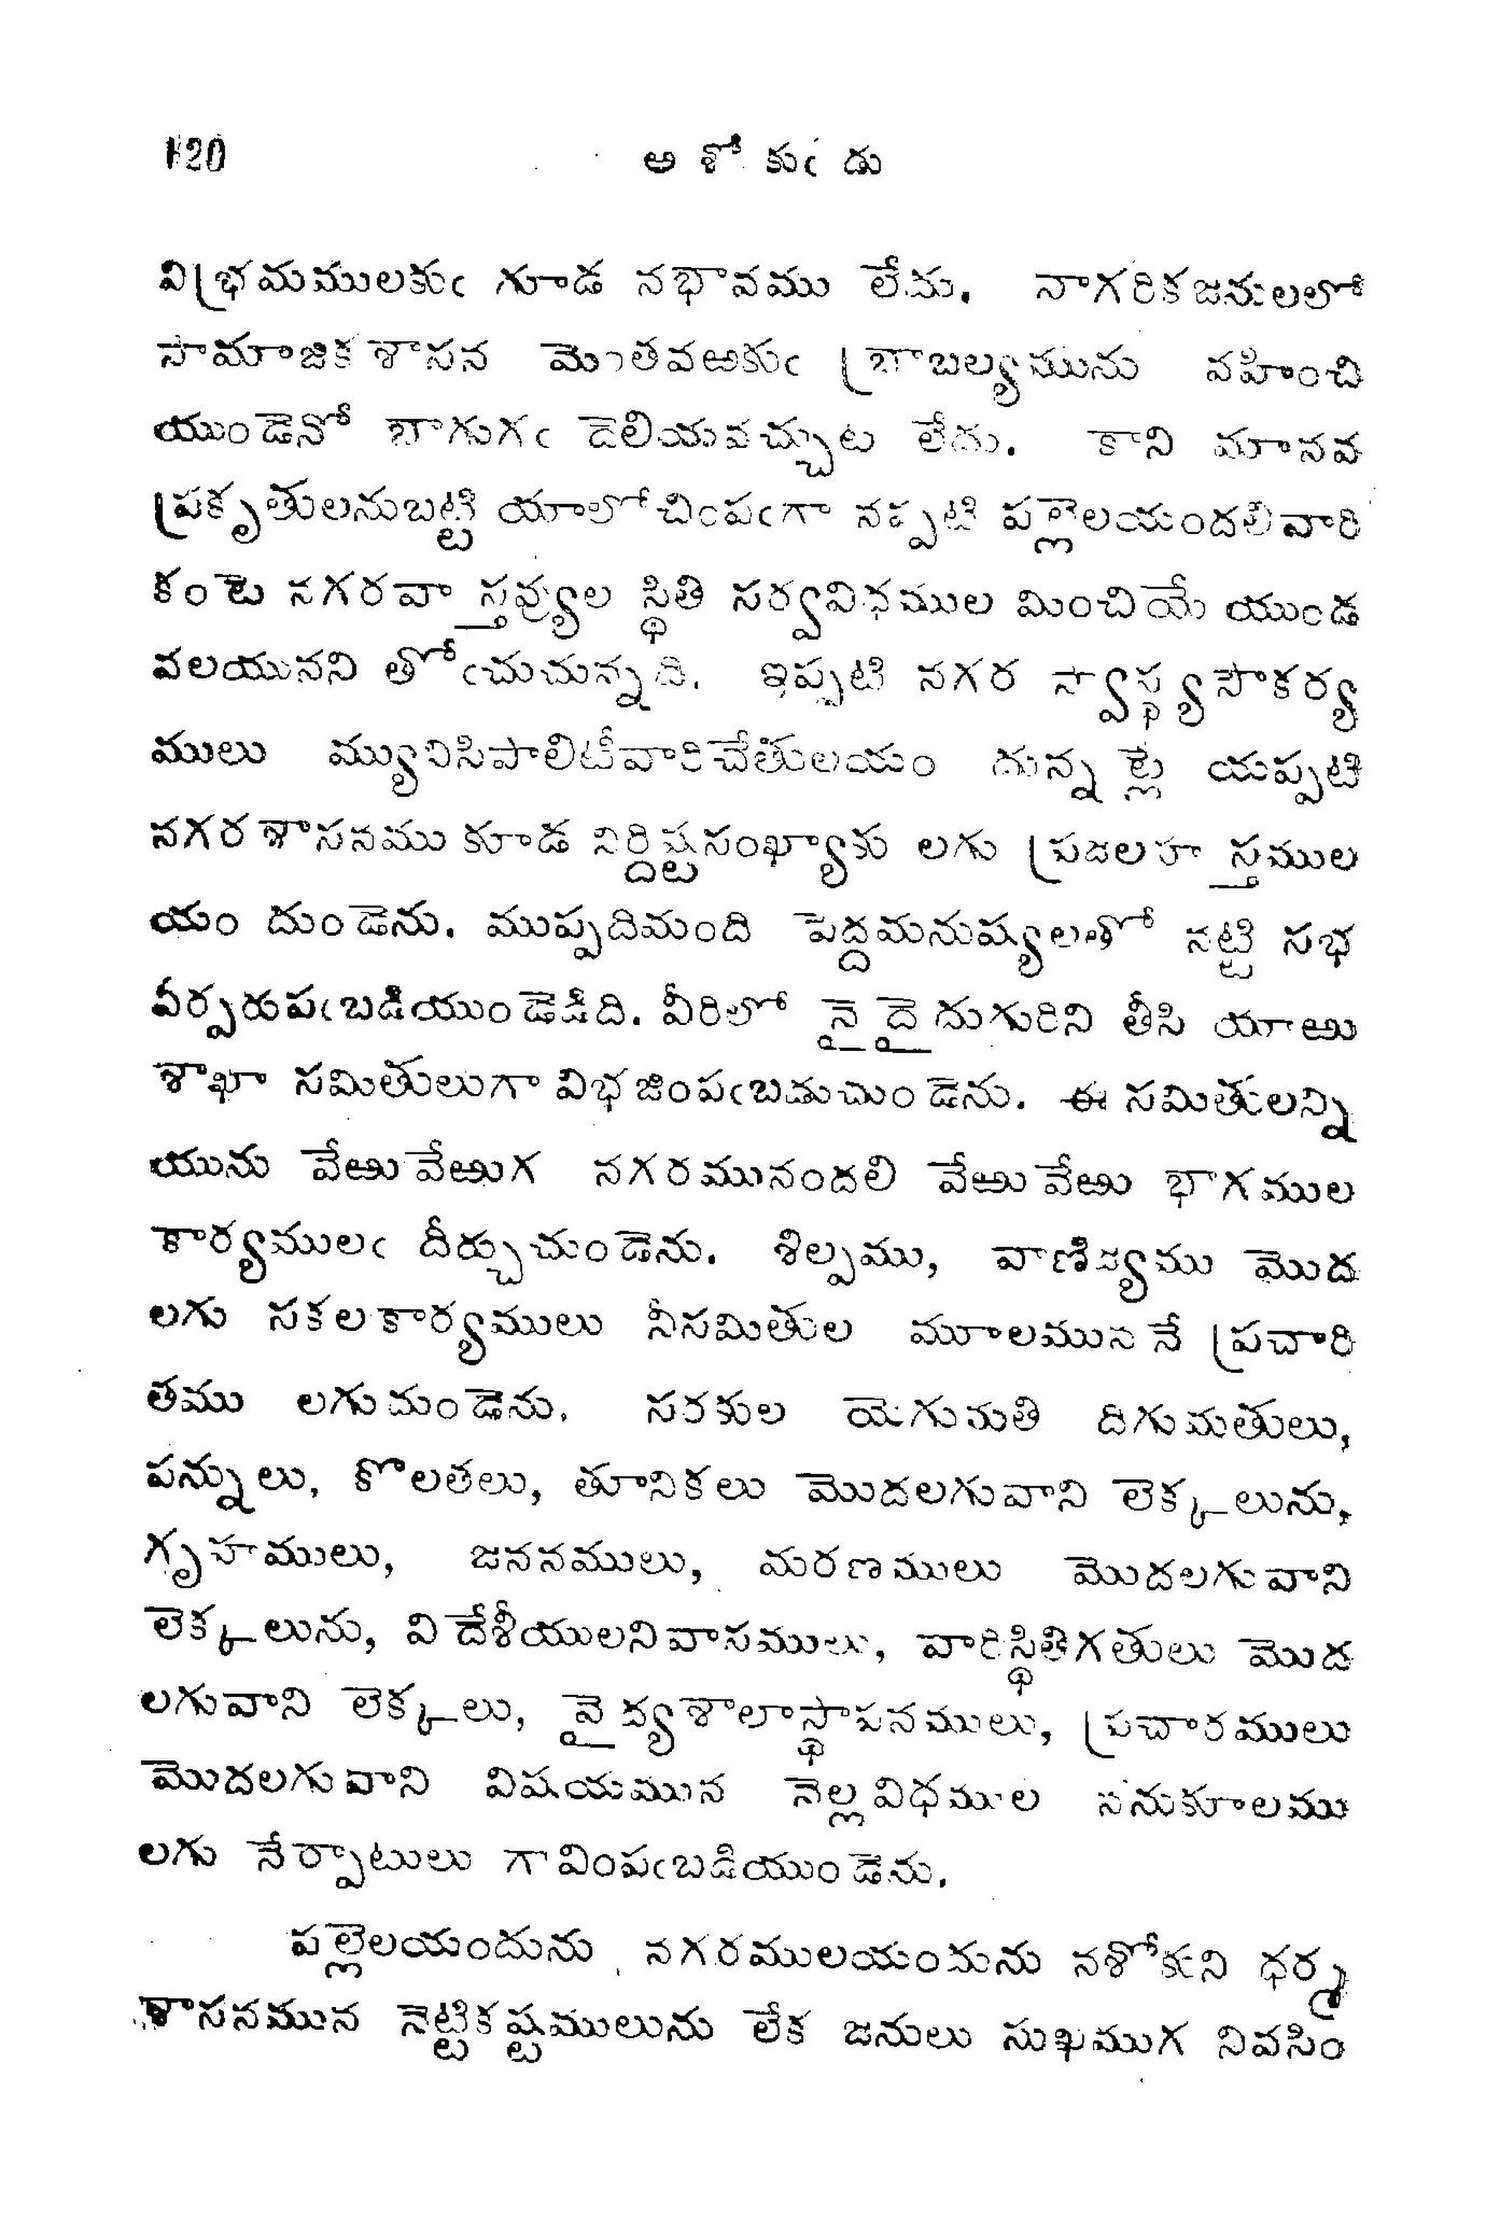విభ్రమములకుఁ గూడ నభావము లేము, నాగరిక జనులలో సామాజిక శాసన మెంతవఱకుఁ బ్రాబల్యమును వహించి యుండెనో బాగుగఁ దెలియవచ్చుట లేదు. కాని మానవప్రకృతులను బట్టి యాలోచింపఁగా నప్పటి పల్లెలయందలి వారి కంటె నగరవాస్తవ్యుల స్థితి సర్వవిధముల మించియే యుండవలయునని తోఁచుచున్నది. ఇప్పటి నగర స్వాస్థ్యసౌకర్యములు మ్యునిసిపాలిటీ వారి చేతులయం దున్నల్లే యప్పటి నగర శాసనము కూడ నిర్దిష్ట సంఖ్యాకు లగు ప్రజల హస్తముల యందుండెను. ముప్పదిమంది పెద్దమనుష్యలతో నట్టి సభ
ఏర్పరుపఁబడియుండెడిది. వీరిలో నై దైదుగురిని తీసి యాఱు శాఖా సమితులుగా విభజింపఁబడుచుండెను. ఈ సమితులన్నియును వేఱు వేఱుగ నగరమునందలి వేఱు వేఱు భాగముల కార్యములఁ దీర్చుచుండెను. శిల్పము, వాణిజ్యము మొదలగు సకల కార్యములు నీసమితుల మూలమున నే ప్రచారితము లగు చుండెను, సరకుల యెగుమతి దిగుమతులు, పన్నులు, కొలతలు, తూనికలు మొదలగువాని లెక్కలును, గృహములు, జననములు, మరణములు మొదలగు వాని లెక్కలును, విదేశీయులని వాసములు, వారి స్థితిగతులు మొద
లగువాని లెక్కలు, వైద్య శాలా స్థాపనములు, ప్రచారములు మొదలగువాని విషయమున నెల్ల విధముల ననుకూలము లగు నేర్పాటులు గావింపఁబడియుండెను.

పల్లెలయందును, నగరములయందును నశోకుని ధర్మ శాసనమున నెట్టికష్టములును లేక జనులు సుఖముగ నివసిం